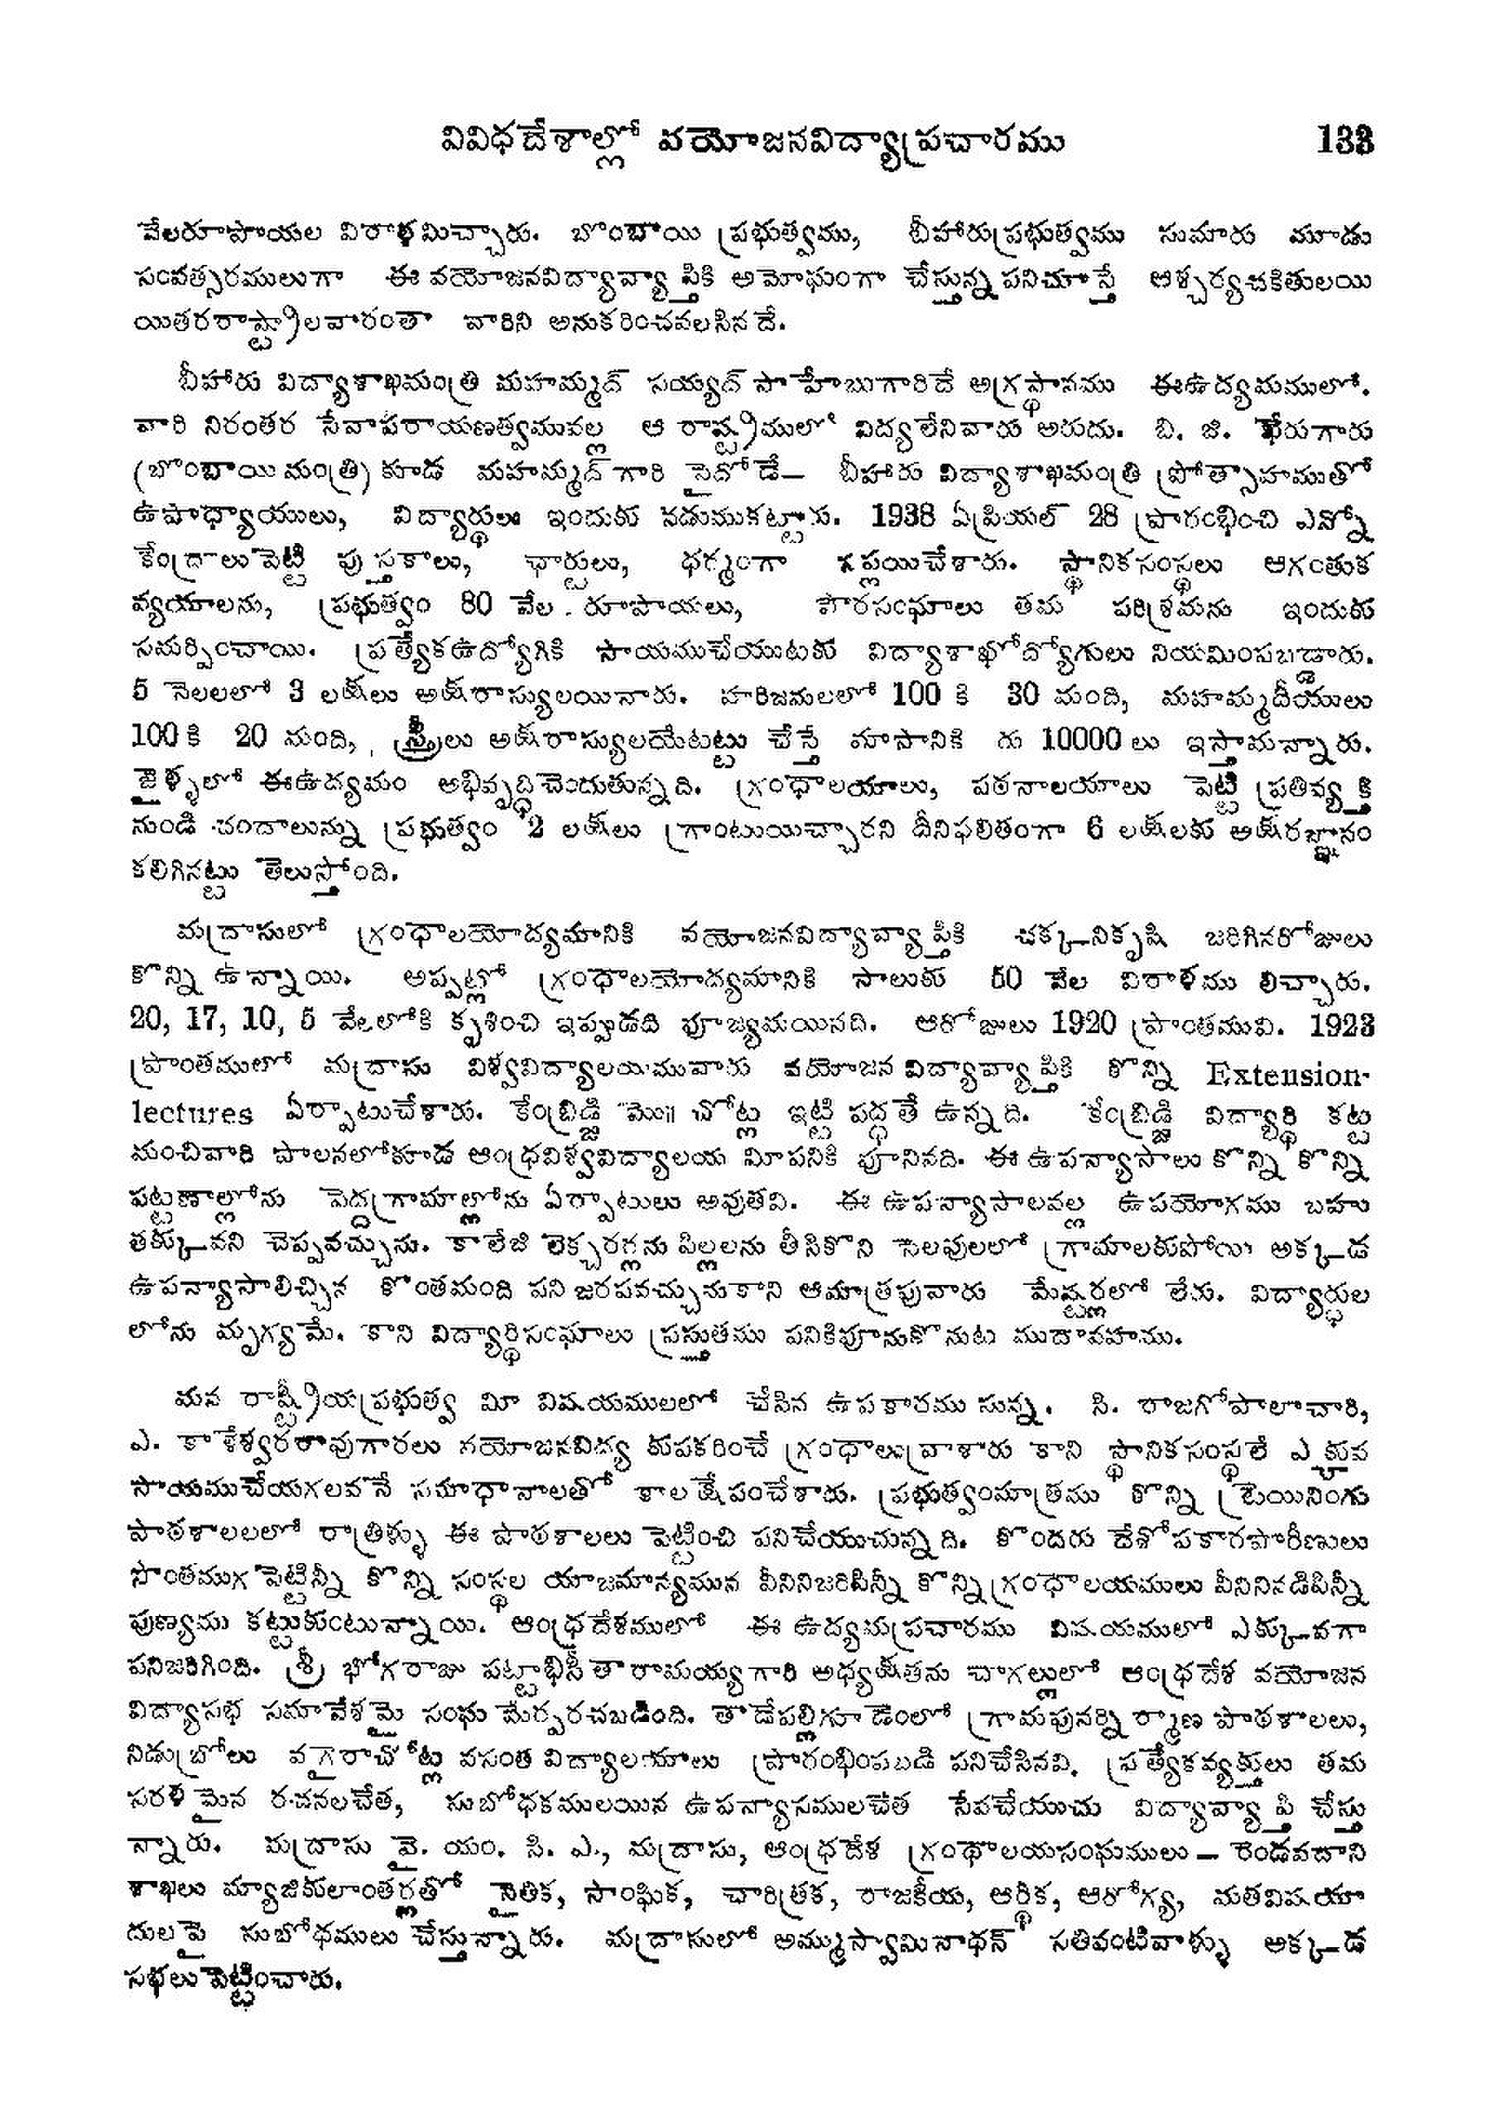వేలరూపాయల విరాళమిచ్చారు. బొంబాయి ప్రభుత్వము, బీహారు ప్రభుత్వము సుమారు మూడు సంవత్సరములుగా ఈ 
యోజనవిద్యావ్యాప్తికి అమోఘంగా చేస్తున్నపనిచూస్తే ఆశ్చర్యచకితులయి యితరరాష్ట్రాల వారంతా వారిని అనుకరించవలసినదే.

బీహారు విద్యాశాఖమంత్రి మహమ్మద్ సయ్యద్ సాహేబుగారిదే అగ్రస్థానము. ఈ ఉద్యమములో, వారి నిరంతర 
సేవాపరాయణత్వమువల్ల ఆ రాష్ట్రములో విద్యలేనివారు అరుదు. బి.జి.భేరుగారు (బొంబాయి మంత్రి) కూడ మహమ్మద్ గారి 
సైదోడే - బీహారు విద్యాశాఖమంత్రి ప్రోత్సాహముతో ఉపాధ్యాయులు, విద్యార్థులు ఇందుకు నడుము కట్టారు. 1938 ఏప్రియల్
28 ప్రారంభించి ఎన్నో కేంద్రాలుపెట్టి పుస్తకాలు, ఛార్టులు, ధర్మంగా సప్లయి చేశారు. స్థానికసంస్థలు ఆగంతుక వ్యయాలను, 
ప్రభుత్వం 80 వేల రూపాయలు, పౌరసంఘాలు తమ పరిశ్రమను ఇందుకు సమర్పించాయి. ప్రత్యేకఉద్యోగికి సాయము
చేయుటకు విద్యాశాఖోద్యోగులు నియమింపబడ్డారు. 5 నెలలలో 3 లక్షలు అక్షరాస్యులయినారు. హరిజనులలో 100 కి 
30 మంది, మహమ్మదీయులు 100 కి 20 మంది, స్త్రీలు అక్షరాస్యులయేటట్టు చేస్తే మాసానికి రు 10000 లు ఇస్తామన్నారు.
జైళ్ళలో ఈఉద్యమం అభివృద్ధి చెందుతున్నది. గ్రంధాలయాలు, పఠనాలయాలు పెట్టి ప్రతివ్యక్తి నుండి చందాలున్ను 
ప్రభుత్వం 2 లక్షలు గ్రాంటుయిచ్చారని దీని ఫలితంగా 6 లక్షలకు అక్షరజ్ఞానం కలిగినట్లు తెలుస్తోంది.

మద్రాసులో గ్రంధాలయోద్యమానికి వయోజనవిద్యావ్యాప్తికి చక్కనికృషి జరిగినరోజులు కొన్ని ఉన్నాయి. అప్పట్లో 
గ్రంధాలయోద్యమానికి సాలుకు 50 వేల విరాళము లిచ్చారు. 20, 17, 10, 5 వేలలోకి కృశించి ఇప్పుడది పూజ్యమయినది.
ఆరోజులు 1920 ప్రాంతమువి. 1928 ప్రాంతములో మద్రాసు విశ్వవిద్యాలయమువారు వయోజన విద్యావ్యాప్తికి కొన్ని Extension
lectures ఏర్పాటుచేశారు. కేంబ్రిడ్జి మొ| చోట్ల ఇట్టి పద్ధతే ఉన్నది. కేంబ్రిడ్జి విద్యార్థి కట్టమంచివారి పాలనలో కూడ ఆంధ్రవిశ్వవిద్యాలయ మీపనికి పూనినది. ఈ ఉపన్యాసాలు కొన్ని కొన్ని పట్టణాల్లోను పెద్ద గ్రామాల్లోను ఏర్పాటులు అవుతవి. 
ఈ ఉపన్యాసాలవల్ల ఉపయోగము బహుతక్కువని చెప్పవచ్చును. కాలేజి లెక్చరర్లను పిల్లలను తీసికొని సెలవులలో 
గ్రామాలకుపోయి అక్కడ ఉపన్యాసాలిచ్చిన కొంతమంది పని జరపవచ్చును కాని ఆమాత్రపువారు మేస్టర్లలో లేదు. 
విద్యార్ధుల లోను మృగ్యమే. కాని విద్యార్థిసంఘాలు ప్రస్తుతము పనికి పూనుకొనుట ముదావహము.

మన రాష్ట్రీయప్రభుత్వ మీ విషయములలో చేసిన ఉపకారము సున్న. సి. రాజగోపాలాచారి, ఎ.కాళేశ్వరరావుగారలు వయోజనవిద్య కుపకరించే గ్రంధాలు వ్రాశారు కాని స్థానిక సంస్థలే ఎక్కువ సాయముచేయగలవనే సమాధానాలతో కాలక్షేపంచేశారు. ప్రభుత్వం మాత్రము కొన్ని ట్రెయినింగు పాఠశాలలలో రాత్రిళ్ళు ఈ పాఠశాలలు పెట్టించి పనిచేయుచున్నది. కొందరు దేశోపకారపారీణులు సొంతముగ పెట్టిన్నీ కొన్ని సంస్థల యాజమాన్యమున వీనినిజరిపిన్నీ కొన్ని గ్రంధాలయములు దీనినినడిపిన్నీ పుణ్యము కట్టుకుంటున్నాయి. ఆంధ్రదేశములో ఈ ఉద్యమప్రచారము విషయములో ఎక్కువగా పనిజరిగింది. శ్రీ భోగరాజు పట్టాభిని తారామయ్య గారి అధ్యక్షతను చాగల్లులో ఆంధ్రదేశ వయోజన విద్యాసభ సమావేశమై సంఘ మేర్పరచబడింది. తాడేపల్లిగూడెంలో గ్రామపునర్నిర్మాణ పాఠశాలలు,నిడుబ్రోలు వగైరాచోట్ల వసంతవిద్యాలయాలు ప్రారంభింపబడి పనిచేసినవి. ప్రత్యేకవ్యక్తులు తమ సరళమైన రచనలచేత, సుబోధకములయిన ఉపన్యాసముల చేత సేవచేయుచు విద్యావ్యాప్తి చేస్తున్నారు. మద్రాసు వై.యం.సి.ఎ., మద్రాసు, ఆంధ్రదేశ గ్రంథాలయ సంఘములు - రెండవదాని శాఖలు మ్యాజికులాంతర్లతో నైతిక, సాంఘిక, చారిత్రక, రాజకీయ, ఆర్థిక, ఆరోగ్య, మతవిషయాదులపై సుబోధములు చేస్తున్నారు. మద్రాసులో అమ్ము స్వామినాధన్ సతివంటివాళ్ళు అక్కడ సభలు పెట్టించారు.